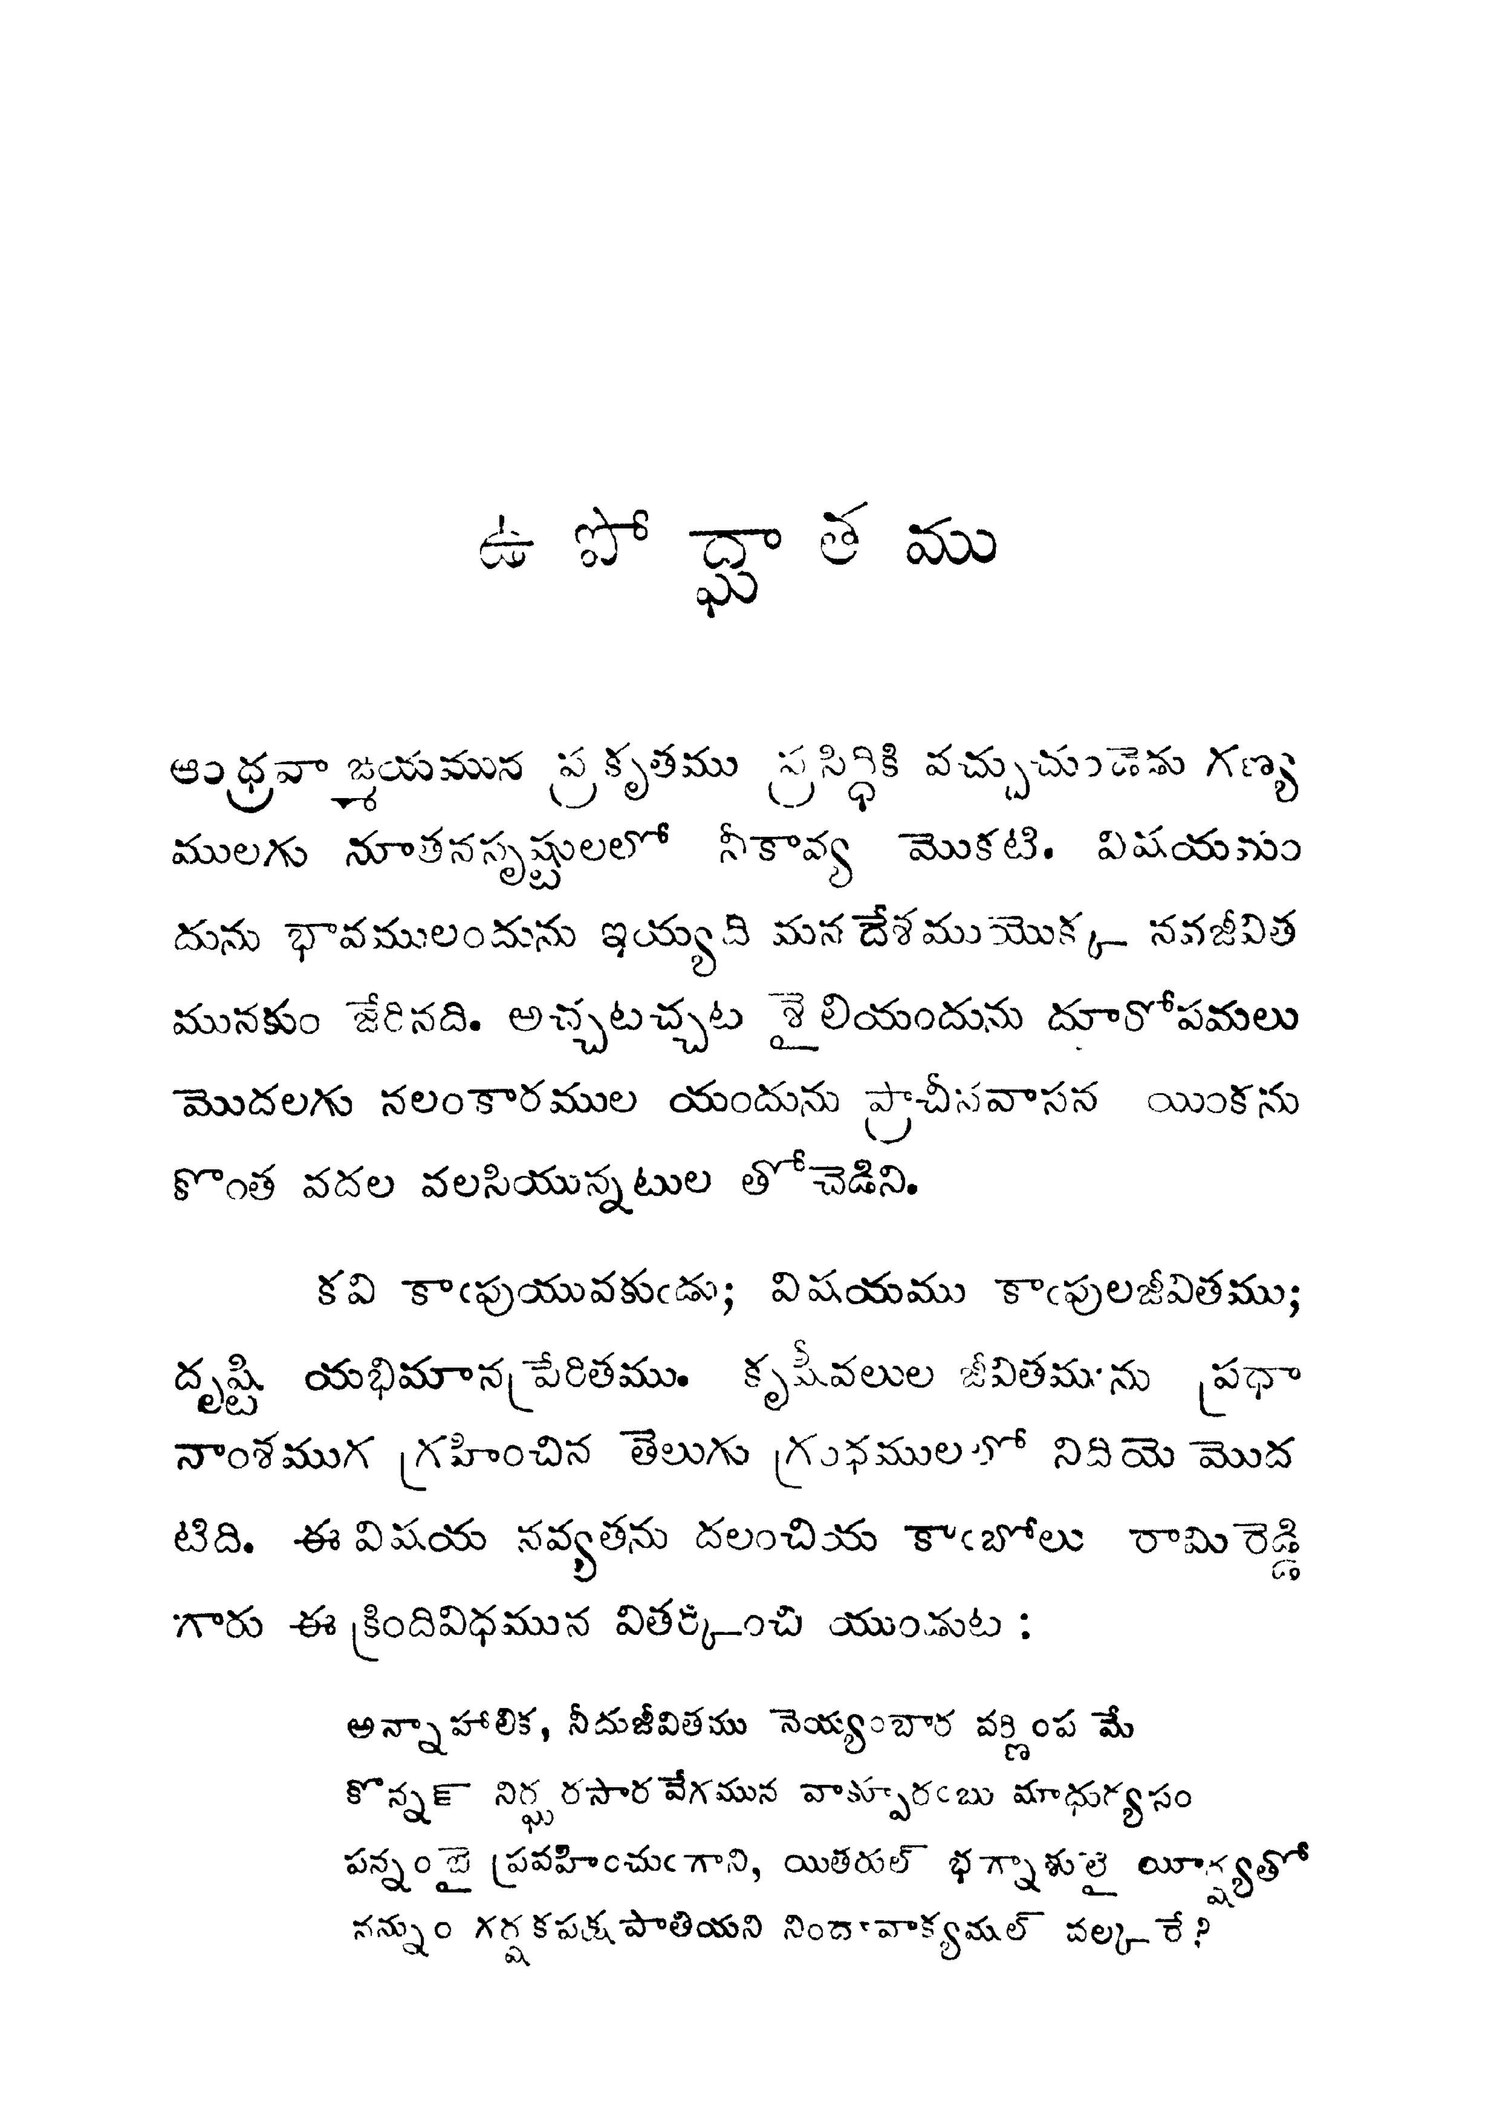ఆంధ్రవాఙ్మయమున ప్రకృతము ప్రసిద్ధికి వచ్చుచుండెడు గణ్యములగు నూతనసృష్టులలో నీకావ్య మొకటి. విషయమందును భావములందును ఇయ్యది మనదేశముయొక్క నవజీవితమునకుం జేరినది. అచ్చటచ్చట శైలియందును దూరోపమలు మొదలగు నలంకారముల యందును ప్రాచీనవాసన యింకను కొంత వదల వలసియున్నటుల తోచెడిని.

కవి కాపుయువకుడు; విషయము కాపులజీవితము; దృష్టి యభిమాన ప్రేరితము. కృషీవలుల జీవితమును ప్రథానాంశముగ గ్రహించిన తెలుగు గ్రంథములలో నిదియె మొదటిది. ఈవిషయ నవ్యతను దలంచియ కాబోలు రామిరెడ్డిగారు ఈక్రింది విధముగ వితర్కించి యుండుట :